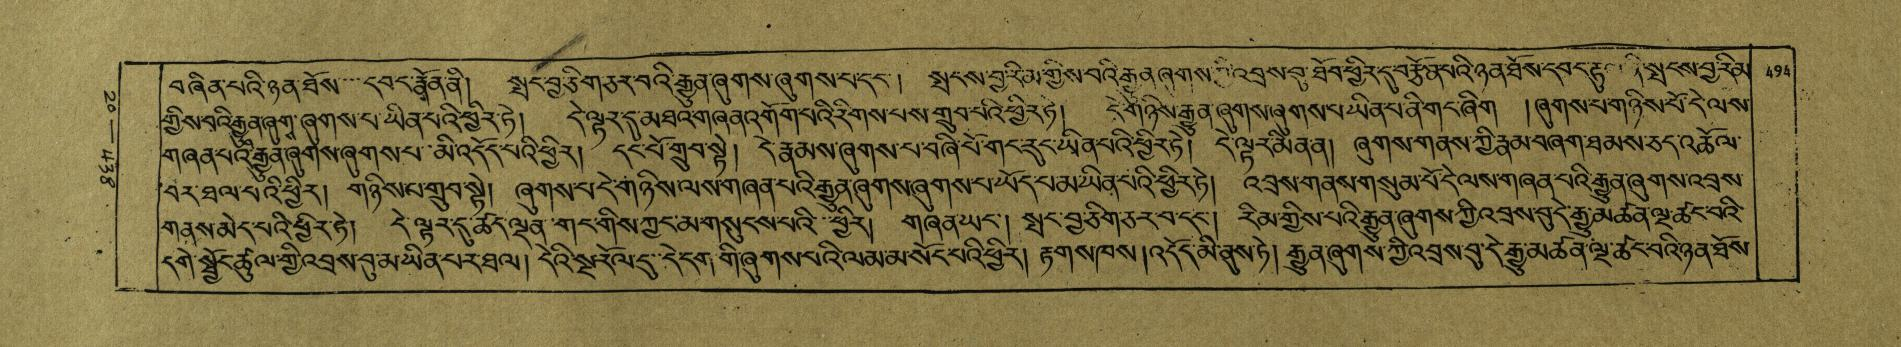བཞིན་པའི་ཉན་ཐོས་དབང་རྣོན་ནི། སྤང་བྱ་ཅིག་ཅར་བའི་རྒྱུན་ཞུགས་ཞུགས་པ་དང་། སྤངས་བྱ་རིམ་གྱིས་བའི་རྒྱུན་ཞུགས་ཀྱི་འབྲས་བུ་ཐོབ་ཕྱིར་དུ་བརྩོན་པའི་ཉན་ཐོས་དབང་རྟུལ་ནི་སྤངས་བྱ་རིམ་
གྱིས་བའི་རྒྱུན་ཞུགས་ཞུགས་པ་ཡིན་པའི་ཕྱིར་ཏེ། དེ་ལྟར་དུ་མཐའ་གཞན་འགོག་པའི་རིགས་པས་གྲུབ་པའི་ཕྱིར་ཏེ། དེ་གཉིས་རྒྱུན་ཞུགས་ཞུགས་པ་ཡིན་པ་ནི་གང་ཞིག །ཞུགས་པ་གཉིས་པོ་དེ་ལས་
གཞན་པའི་རྒྱུན་ཞུགས་ཞུགས་པ་མི་འདོད་པའི་ཕྱིར། དང་པོ་གྲུབ་སྟེ། དེ་རྣམས་ཞུགས་པ་བཞི་པོ་གང་རུང་ཡིན་པའི་ཕྱིར་ཏེ། དེ་ལྟར་མིན་ན། ཞུགས་གནས་ཀྱི་རྣམ་བཞག་ཐམས་ཅད་འཆོལ་
བར་ཐལ་པའི་ཕྱིར། གཉིས་པ་གྲུབ་སྟེ། ཞུགས་པ་དེ་གཉིས་ལས་གཞན་པའི་རྒྱུན་ཞུགས་ཞུགས་པ་ཡོད་པ་མ་ཡིན་པའི་ཕྱིར་ཏེ། འབྲས་གནས་གསུམ་པོ་དེ་ལས་གཞན་པའི་རྒྱུན་ཞུགས་འབྲས་
གནས་མེད་པའི་ཕྱིར་ཏེ། དེ་ལྟར་དུ་ཚད་ལྡན་གང་གིས་ཀྱང་མ་གསུངས་པའི་ཕྱིར། གཞན་ཡང་། སྤང་བྱ་ཅིག་ཅར་བ་དང་། རིམ་གྱིས་པའི་རྒྱུན་ཞུགས་ཀྱི་འབྲས་བུ་དེ་རྒྱུ་མཚན་ལྔ་ཚང་བའི་
དགེ་སྦྱོང་ཚུལ་གྱི་འབྲས་བུ་མ་ཡིན་པར་ཐལ། དེའི་སྔ་རོལ་དུ་དེ་དག་གི་ཞུགས་པའི་ལམ་མ་སོང་བའི་ཕྱིར། རྟགས་ཁས། འདོད་མི་ནུས་ཏེ། རྒྱུན་ཞུགས་ཀྱི་འབྲས་བུ་དེ་རྒྱུ་མཚན་ལྔ་ཚང་བའི་ཉན་ཐོས་